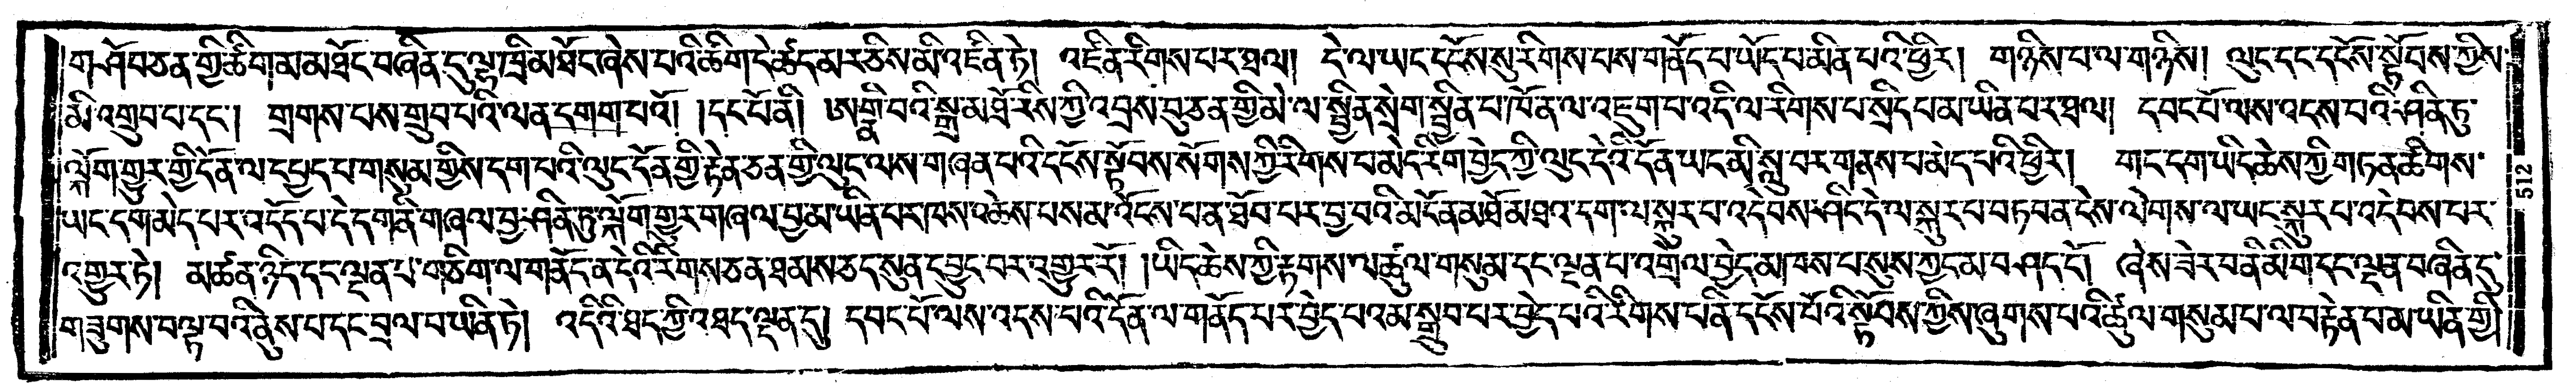གཤོབ་ཅན་གྱི་ཚིག་མ་མཐོང་བཞིན་དུ་ལྷ་ཁྲི་མཐོང་ཞེས་པའི་ཚིག་དེ་ཚད་མར་ཅིས་མི་འཛིན་ཏེ། འཛིན་རིགས་པར་ཐལ། དེ་ལ་ཡང་དངོས་སུ་རིགས་པས་གནོད་པ་ཡོད་པ་མིན་པའི་ཕྱིར། གཉིས་པ་ལ་གཉིས། ལུང་དང་དངོས་སྟོབས་ཀྱིས་
མི་འགྲུབ་པ་དང་། གྲགས་པས་གྲུབ་པའི་ལན་དགག་པའོ། །དང་པོ་ནི། ཨགནི་བའི་སྒྲ་མཐོ་རིས་ཀྱི་འབྲས་བུ་ཅན་གྱི་མེ་ལ་སྦྱིན་སྲེག་སྦྱིན་པ་ཁོ་ན་ལ་འཇུག་པ་འདི་ལ་རིགས་པ་སྲིད་པ་མ་ཡིན་པར་ཐལ། དབང་པོ་ལས་འདས་པའི་ཤིན་ཏུ་
ལྐོག་གྱུར་གྱི་དོན་ལ་དཔྱད་པ་གསུམ་གྱིས་དག་པའི་ལུང་དོན་གྱི་རྟེན་ཅན་གྱི་ལུང་ལས་གཞན་པའི་དངོས་སྟོབས་སོགས་ཀྱི་རིགས་པ་མེད་རིག་བྱེད་ཀྱི་ལུང་དེའི་དོན་ཡང་མི་སླུ་བར་གནས་པ་མེད་པའི་ཕྱིར། གང་དག་ཡིད་ཆེས་ཀྱི་གཏན་ཚིགས་
ཡང་དག་མེད་པར་འདོད་པ་དེ་དག་ནི་གཞལ་བྱ་ཤིན་ཏུ་ལྐོག་གྱུར་གཞལ་བྱ་མ་ཡིན་པར་ཁས་འཆེས་པས་མ་འོངས་པ་ན་ཐོབ་པར་བྱ་བའི་མངོན་མཐོ་མཐའ་དག་ལ་སྐུར་པ་འདེབས་ཤིང་དེ་ལ་སྐུར་པ་བཏབ་ན་ངེས་ལེགས་ལ་ཡང་སྐུར་པ་འདེབས་པར་
འགྱུར་ཏེ། མཚན་ཉིད་དང་ལྡན་པ་གཅིག་ལ་གནོད་ན་དེའི་རིགས་ཅན་ཐམས་ཅད་སུན་དབྱུང་བར་འགྱུར་རོ། །ཡིད་ཆེས་ཀྱི་རྟགས་ལ་ཚུལ་གསུམ་དང་ལྡན་པ་འགྲེལ་བྱེད་མཁས་པ་སུས་ཀྱང་མ་བཤད་དོ། ཞེས་ཟེར་བ་ནི་མིག་དང་ལྡན་བཞིན་དུ་
གཟུགས་བལྟ་བའི་ནུས་པ་དང་བྲལ་པ་ཡིན་ཏེ། འདིའི་ཐད་ཀྱི་འཐད་ལྡན་དུ། དབང་པོ་ལས་འདས་པའི་དོན་ལ་གནོད་པར་བྱེད་པའམ་སྒྲུབ་པར་བྱེད་པའི་རིགས་པ་ནི་དངོས་པོའི་སྟོབས་ཀྱིས་ཞུགས་པའི་ཚུལ་གསུམ་པ་ལ་བརྟེན་པ་མ་ཡིན་གྱི།